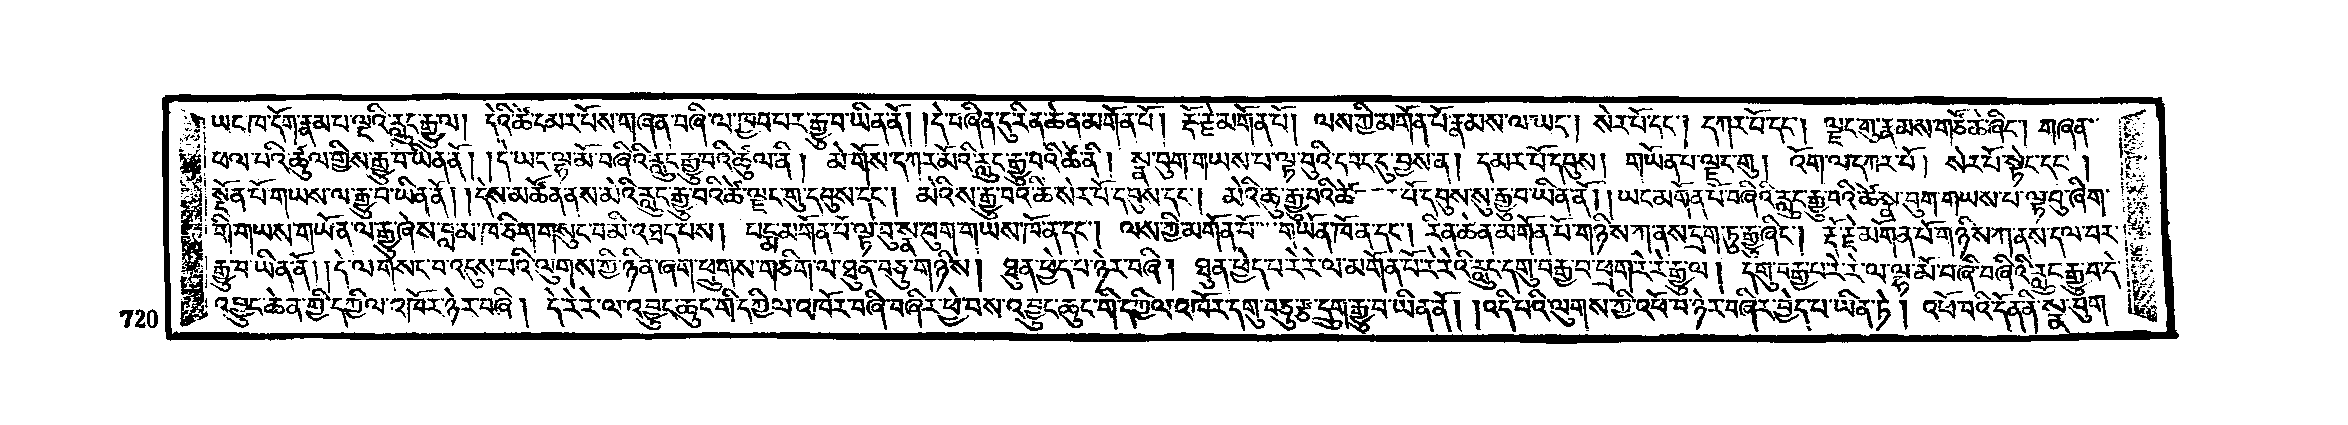ཡང་ཁ་དོག་རྣམ་པ་ལྔའི་རླུང་རྒྱུ་ལ། དེའི་ཚེ་དམར་པོས་གཞན་བཞི་ལ་ཁྱབ་པར་རྒྱུ་བ་ཡིན་ནོ། །དེ་བཞིན་དུ་རིན་ཆེན་མགོན་པོ། རྡོ་རྗེ་མགོན་པོ། ལས་ཀྱི་མགོན་པོ་རྣམས་ལ་ཡང་། སེར་པོ་དང་། དཀར་པོ་དང་། ལྗང་གུ་རྣམས་གཙོ་ཆེ་ཞིང་། གཞན་
ཕལ་པའི་ཚུལ་གྱིས་རྒྱུ་བ་ཡིན་ནོ། །དེ་ཡང་ལྷ་མོ་བཞིའི་རླུང་རྒྱུ་བའི་ཚུལ་ནི། མེ་གོས་དཀར་མོའི་རླུང་རྒྱུ་བའི་ཚེ་ནི། སྣ་བུག་གཡས་པ་ལྟ་བུའི་དབང་དུ་བྱས་ན། དམར་པོ་དབུས། གཡོན་པ་ལྗང་གུ །འོག་ལ་དཀར་པོ། སེར་པོ་སྟེང་དང་།
སྔོན་པོ་གཡས་ལ་རྒྱུ་བ་ཡིན་ནོ། །དེས་མཚོན་ནས་མེའི་རླུང་རྒྱུ་བའི་ཚེ་ལྗང་གུ་དབུས་དང་། མེའི་ས་རྒྱུ་བའི་ཆེ་སེར་པོ་དབུས་དང་། མེའི་ཆུ་རྒྱུ་བའི་ཚེ་དཀར་པོ་དབུས་སུ་རྒྱུ་བ་ཡིན་ནོ། །ཡང་མགོན་པོ་བཞིའི་རླུང་རྒྱུ་བའི་ཚེ་སྣ་བུག་གཡས་པ་ལྟ་བུ་ཞིག་
གི་གཡས་གཡོན་ལ་རྒྱུ་ཞེས་བླ་མ་ཁ་ཅིག་གསུང་བ་མི་འཐད་པས། པདམ་མགོན་པོ་ལྟ་བུ་སྣ་བུག་གཡས་ཁོ་ན་དང་། ལས་ཀྱི་མགོན་པོ་གཡོན་ཁོ་ན་དང་། རིན་ཆེན་མགོན་པོ་གཉིས་ཀ་ནས་དྲག་ཏུ་རྒྱུ་ཞིང་། རྡོ་རྗེ་མགོན་པོ་གཉིས་ཀ་ནས་དལ་པར་
རྒྱུ་བ་ཡིན་ནོ། །དེ་ལ་གསང་བ་འདུས་པའི་ལུགས་ཀྱི་ཉིན་ཞག་ཕྲུགས་གཅིག་ལ་ཐུན་བཅུ་གཉིས། ཐུན་ཕྱེད་པ་ཉེར་བཞི། ཐུན་ཕྱེད་པ་རེ་རེ་ལ་མགོན་པོ་རེ་རེའི་རླུང་དགུ་བརྒྱ་པ་ཕྲག་རེ་རེ་རྒྱུ་ལ། དགུ་བརྒྱ་པ་རེ་རེ་ལ་ལྷ་མོ་བཞི་བཞིའི་རླུང་རྒྱུ་བ་དེ་
འབྱུང་ཆེན་གྱི་དཀྱིལ་འཁོར་ཉེར་བཞི། དེ་རེ་རེ་ལ་འབྱུང་ཆུང་གི་དཀྱིལ་འཁོར་བཞི་བཞིར་ཕྱེ་བས་འབྱུང་ཆུང་གི་དཀྱིལ་འཁོར་དགུ་བཅུ་རྩ་དྲུག་རྒྱུ་བ་ཡིན་ནོ། །འདི་པའི་ལུགས་ཀྱི་འཕོ་བ་ཉེར་བཞིར་བྱེད་པ་ཡིན་ཏེ། འཕོ་བའི་དོན་ནི་སྣ་བུག་